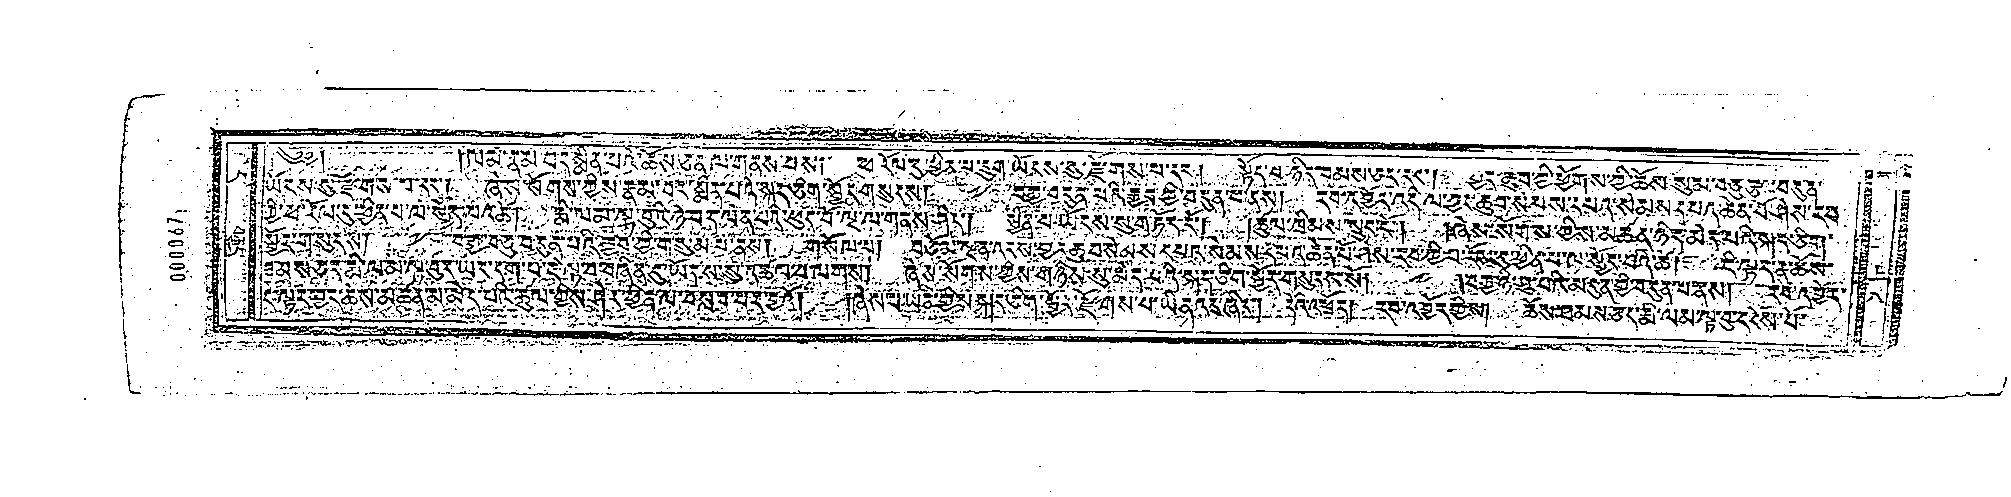༄༅། །ལམ་རྣམ་པར་སྨིན་པའི་ཆོས་ཅན་ལ་གནས་པས། ཕ་རོལ་དུ་ཕྱིན་པ་དྲུག་ཡོངས་སུ་རྫོགས་པ་དང་། སྟོད་པ་ཉིད་ཐམས་ཅད་དང་། བྱང་ཆུབ་ཀྱི་ཕྱོགས་ཀྱི་ཆོས་སུམ་བཅུ་རྩ་བདུན་
ཡོངས་སུ་རྫོགས་པ་དང་། ཞེས་སོགས་ཀྱིས་རྣམ་པར་སྨིན་པའི་སྐད་ཅིག་སྤྱོད་གསུངས། ༧་བརྒྱ་བདུན་པའི་རྒྱབ་ཀྱི་བདུན་པ་ནས། རབ་འབྱོར་འདི་ལ་བྱང་ཆུབ་སེམས་དཔའ་སེམས་དཔའ་ཆེན་པོ་ཤེས་རབ་
ཀྱི་ཕ་རོལ་དུ་ཕྱིན་པ་ལ་སྤྱོད་པའི་ཚེ། རྨི་ལམ་ལྟ་བུའི་ཉེ་བར་ལེན་པའི་ཕུང་པོ་ལྔ་ལ་གནས་ཤིང་། སྦྱིན་པ་ཡོངས་སུ་གཏོང་ངོ། །ཚུལ་ཁྲིམས་སྲུང་ངོ། །ཞེས་སོགས་ཀྱིས་མཚན་ཉིད་མེད་པའི་སྐད་ཅིག་
སྦྱོར་གསུངས། ༧་བརྒྱ་བཅུ་བདུན་པའི་རྒྱབ་ཀྱི་གསུམ་པ་ནས། གསོལ་པ། བཅོམ་ལྡན་འདས་བྱང་ཆུབ་སེམས་དཔའ་སེམས་དཔའ་ཆེན་པོ་ཤེས་རབ་ཀྱི་ཕ་རོལ་དུ་ཕྱིན་པ་ལ་སྤྱོད་བའི་ཚེ། ཇི་ལྟར་ན་ཆོས་
ཐམས་ཅད་རྨི་ལམ་ལྟ་བུར་ཡང་དག་པ་ཇི་ལྟ་བ་བཞིན་དུ་ཡོངས་སུ་འཚལ་བ་ལགས། ཞེས་སོགས་ཀྱིས་གཉིས་སུ་མེད་པའི་སྐད་ཅིག་སྦྱོར་གསུངས་སོ། ༧་བརྒྱ་ཉི་ཤུ་བའི་མདུན་གྱི་བདུན་པ་ནས། རབ་འབྱོར་
དེ་ལྟར་བྱང་ཆེས་མཚན་མ་མེད་པའི་ཚུལ་གྱིས་ཤེར་ཕྱིན་ལ་བསླབ་པར་བྱའོ། །ཞེས་པ་ཡན་གྱིས་སྐད་ཅིག་སྦྱོར་རྫོགས་པ་ཡིན་འདྲ་ཞིང་། དེའི་འཕྲོད། རབ་འབྱོར་གྱིས། ཆོས་ཐམས་ཅད་རྨི་ལམ་ལྟ་བུ་དངོས་པོ་